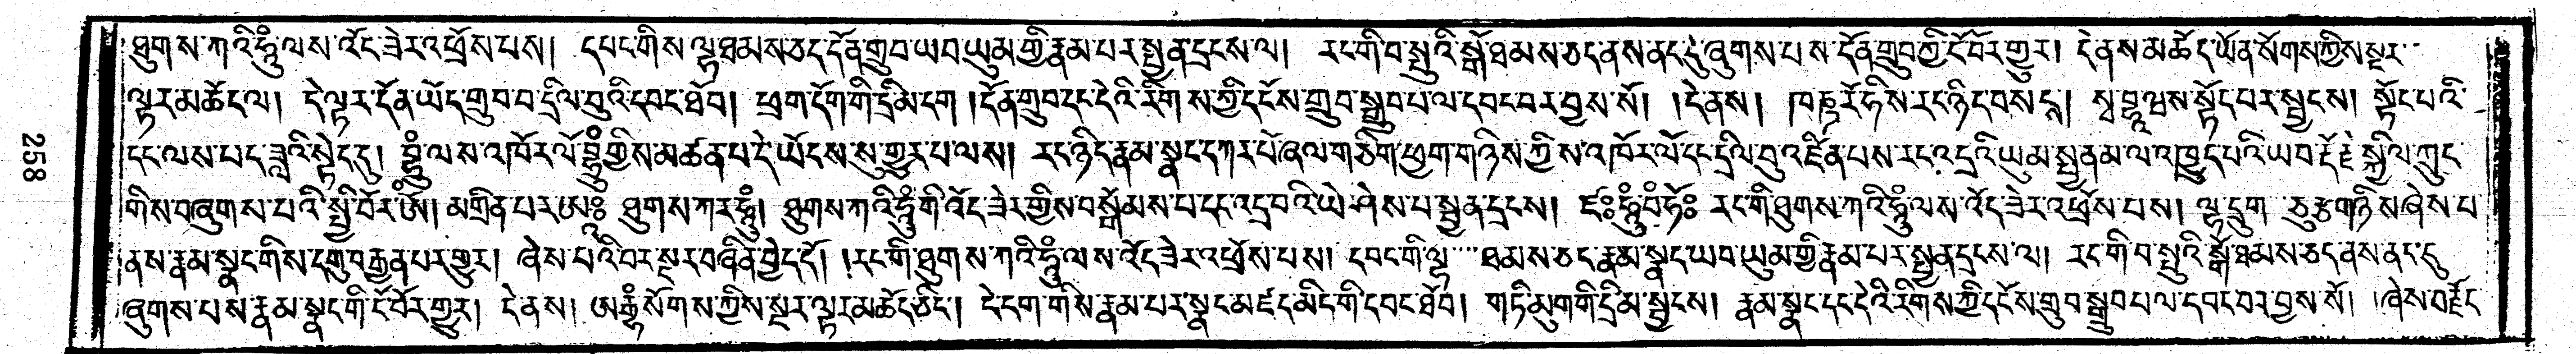ཐུགས་ཀའི་ཧཱུཾ་ལས་འོད་ཟེར་འཕྲོས་པས། དབང་གིས་ལྷ་ཐམས་ཅད་དོན་གྲུབ་ཡབ་ཡུམ་གྱི་རྣམ་པར་སྤྱན་དྲངས་ལ། རང་གི་བ་སྤུའི་སྒོ་ཐམས་ཅད་ནས་ནང་དུ་ཞུགས་པས་དོན་གྲུབ་ཀྱི་ངོ་བོར་གྱུར། དེ་ནས་མཆོད་ཡོན་སོགས་ཀྱིས་སྔར་
ལྟར་མཆོད་ལ། དེ་ལྟར་དོན་ཡོད་གྲུབ་བ་དྲིལ་བུའི་དབང་ཐོབ། ཕྲག་དོག་གི་དྲི་མ་དག །དོན་གྲུབ་དང་དེའི་རིགས་ཀྱི་དངོས་གྲུབ་སྒྲུབ་པ་ལ་དབང་བར་བྱས་སོ། །དེ་ནས། ཁཎྜ་རོ་ཧིས་རང་ཉིད་བསངས། སྭ་བྷཱ་ཝས་སྟོང་པར་སྦྱངས། སྟོང་པའི་
དང་ལས་པད་ཟླའི་སྟེང་དུ། བྷྲུཾ་ལས་འཁོར་ལོ་བྷྲུཾ་གྱིས་མཚན་པ་དེ་ཡོངས་སུ་གྱུར་པ་ལས། རང་ཉིད་རྣམ་སྣང་དཀར་པོ་ཞལ་གཅིག་ཕྱག་གཉིས་ཀྱིས་འཁོར་ལོ་དང་དྲིལ་བུ་འཛིན་པས་རང་འདྲའི་ཡུམ་སྤྱན་མ་ལ་འཁྱུད་པའི་ཡབ་རྡོ་རྗེ་སྐྱིལ་ཀྲུང་
གིས་བཞུགས་པའི་སྤྱི་བོར་ཨོཾ། མགྲིན་པར་ཨཱཿ ཐུགས་ཀར་ཧཱུཾ། ཐུགས་ཀའི་ཧཱུཾ་གི་འོད་ཟེར་གྱིས་བསྒོམས་པ་དང་འདྲ་བའི་ཡེ་ཤེས་པ་སྤྱན་དྲངས། ཛཿ ཧཱུཾ་བཾ་ཧོཿ རང་གི་ཐུགས་ཀའི་ཧཱུཾ་ལས་འོད་ཟེར་འཕྲོས་པས། ལྷ་དྲུག་ཅུ་རྩ་གཉིས་ཞེས་པ་
ནས་རྣམ་སྣང་གིས་དགུ་བརྒྱན་པར་གྱུར། ཞེས་པའི་བར་སྔར་བཞིན་བྱེད་དོ། །རང་གི་ཐུགས་ཀའི་ཧཱུཾ་ལས་འོད་ཟེར་འཕྲོས་པས། དབང་གི་ལྷ་ཐམས་ཅད་རྣམ་སྣང་ཡབ་ཡུམ་གྱི་རྣམ་པར་སྤྱན་དྲངས་ལ། རང་གི་བ་སྤུའི་སྒོ་ཐམས་ཅད་ནས་ནང་དུ་
ཞུགས་པས་རྣམ་སྣང་གི་ངོ་བོར་གྱུར། དེ་ནས། ཨརྒྷཾ་སོགས་ཀྱིས་སྔར་ལྟར་མཆོད་ཅིང་། དེ་དག་གིས་རྣམ་པར་སྣང་མཛད་མིང་གི་དབང་ཐོབ། གཏི་མུག་གི་དྲི་མ་སྦྱངས། རྣམ་སྣང་དང་དེའི་རིགས་ཀྱི་དངོས་གྲུབ་སྒྲུབ་པ་ལ་དབང་བར་བྱས་སོ། །ཞེས་བརྗོད་